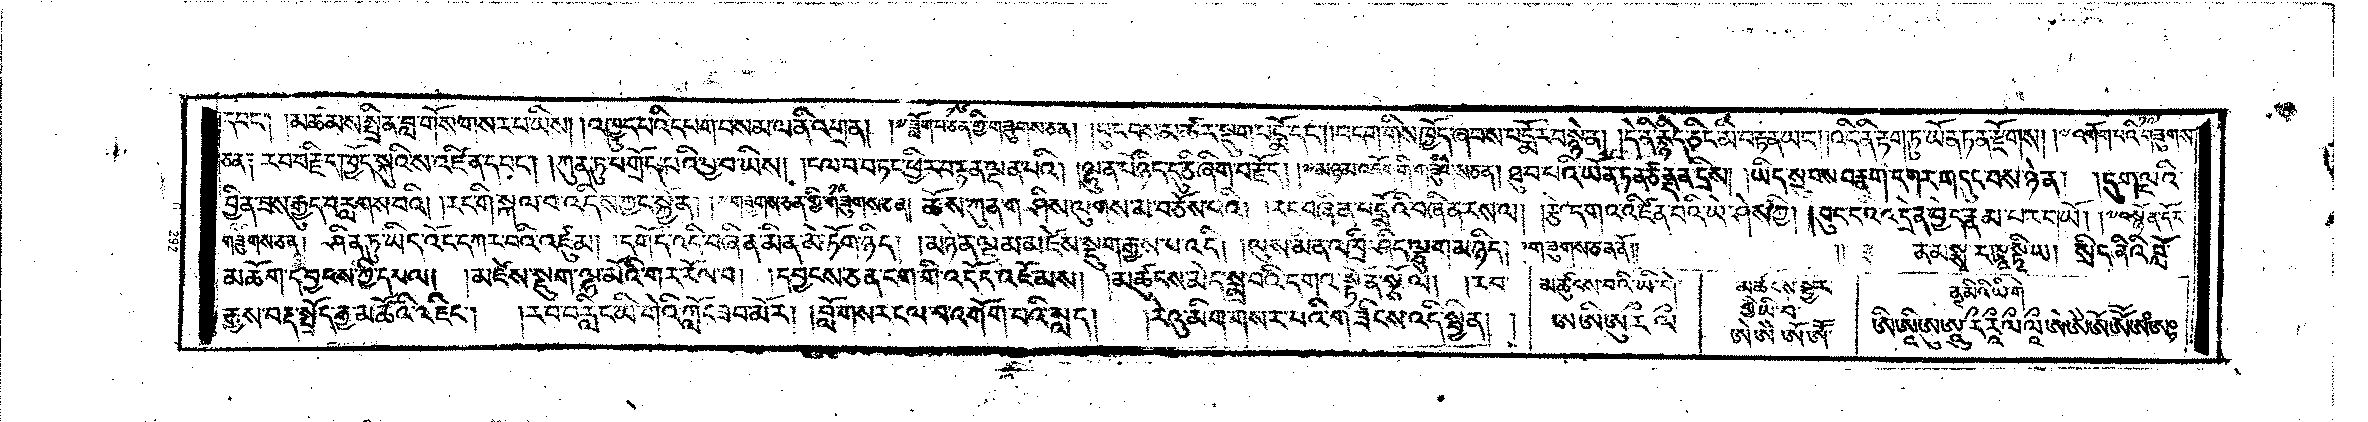དབང་། །མཚམས་སྤྲིན་བླ་གོས་གསར་པ་ཡིས། །འཁྱུང་པའི་དཔག་བསམ་ལ་ནི་འགྲན། །༧ཟློག་པ་ཅན་གྱི་གཟུགས་ཅན།  །བུང་བས་མཚར་སྡུག་པདམོ་དང་། །བདག་གིས་ཁྱོད་ཞབས་པདམོར་བསྙེན། །དེ་ནི་རྙིང་ཅིང་མི་བརྟན་ཡང་། །འདི་ནི་རྟག་ཏུ་ཡོན་ཏན་རྫོགས། །འགོག་པའི་གཟུགས་
ཅན༑ རབ་བརྗིད་ཁྱོད་སྐུའི་ས་འཛིན་དབང་། །ཀུན་ཏུ་བགྲོད་པའི་བྱ་བ་ཡིས། །ངལ་བ་བཏང་ཕྱིར་བརྟན་ལྡན་པའི། །ལྷུན་པོ་ཉིད་དུ་ཅི་ཞིག་བརྗོད། །༧མཉམ་འཁོར་གི་གཟུགས་ཅན། ཐུབ་པའི་ཡོན་ཏན་ཙནྡན་དྲིས། །ཡིད་སྲབས་བྲང་དགར་གདུང་བས་ཉེན། །དུག་ལྔའི་
བྱིན་སྲས་རྒྱུད་བརླགས་པའི། །རང་གི་སྐལ་བ་འདིས་ཀྱང་སྐྱོན། །གཟུགས་ཅན་གྱི་གཟུགས་ཅན། ཆོས་ཀུན་གཤིས་ལུགས་མ་བཅོས་པའི། །རང་བཞིན་པདམོའི་བཞིན་རས་ལ། །རྩེ་དགའ་འཛིན་བའི་ཡེ་ཤེས་ཀྱི། །བུང་ངའི་འདྲེན་བྱེད་རྣམ་པར་གཡོ། །བསྙོན་དོར་
གཟུགས་ཅན། ཤིན་ཏུ་ཡིད་འོང་དཀར་བའི་འཛུམ། །དགོད་འདི་བཞིན་མིན་མེ་ཏོག་ཉིད། །མཉེན་ལྡེམ་མཛེས་སྡུག་རྒྱས་པ་འདི། །ལུས་མིན་འཁྲི་ཤིང་ལྕུག་མ་ཉིད། །གཟུགས་ཅན་ནོ།། །། ༈ ནམྶྶྭར་སཱྭསྟི་ཡ། སྲིད་ནིའི་བློ་
མཆོག་དབྱངས་ཀྱི་དཔལ། །མཛེས་སྡུག་ལྷ་མོའི་གར་རོས་བ། །དབྱངས་ཅན་ངག་གི་འདོད་འཛོམས། །མཚུངས་མེད་སྨྲ་བའི་དགའ་སྟོན་སྩོལ། །རབ་མཚུངས་བའི་ཡི་གེ་མཚངས་སྦྱར་ནཱ་མིའི་ཡི་གེ་
རྒྱས་བརྡ་སྤྲོད་རྒྱ་མཚོའི་འཇིང་། །རབ་བརླིང་ཡི་གེའི་ཀློང་ཟབ་མོར། །བློ་གསར་ངལ་བ་འགོག་པའི་སླད། །རེའུ་མིག་གསར་པའི་གཟིངས་འདི་སྦྱིན། །ཨ་ཨི་ཨུ་རྀ་ལྀ། ཨེ་ཨཻ་ཨོ་ཨཽ། ཨི་ཨཱི་ཨུ་ཨཱུ་རྀ་རཱྀ་ལྀ་ལཱྀ་ཨེ་ཨཻ་ཨོ་ཨཽ་ཨཾ་ཨཿ